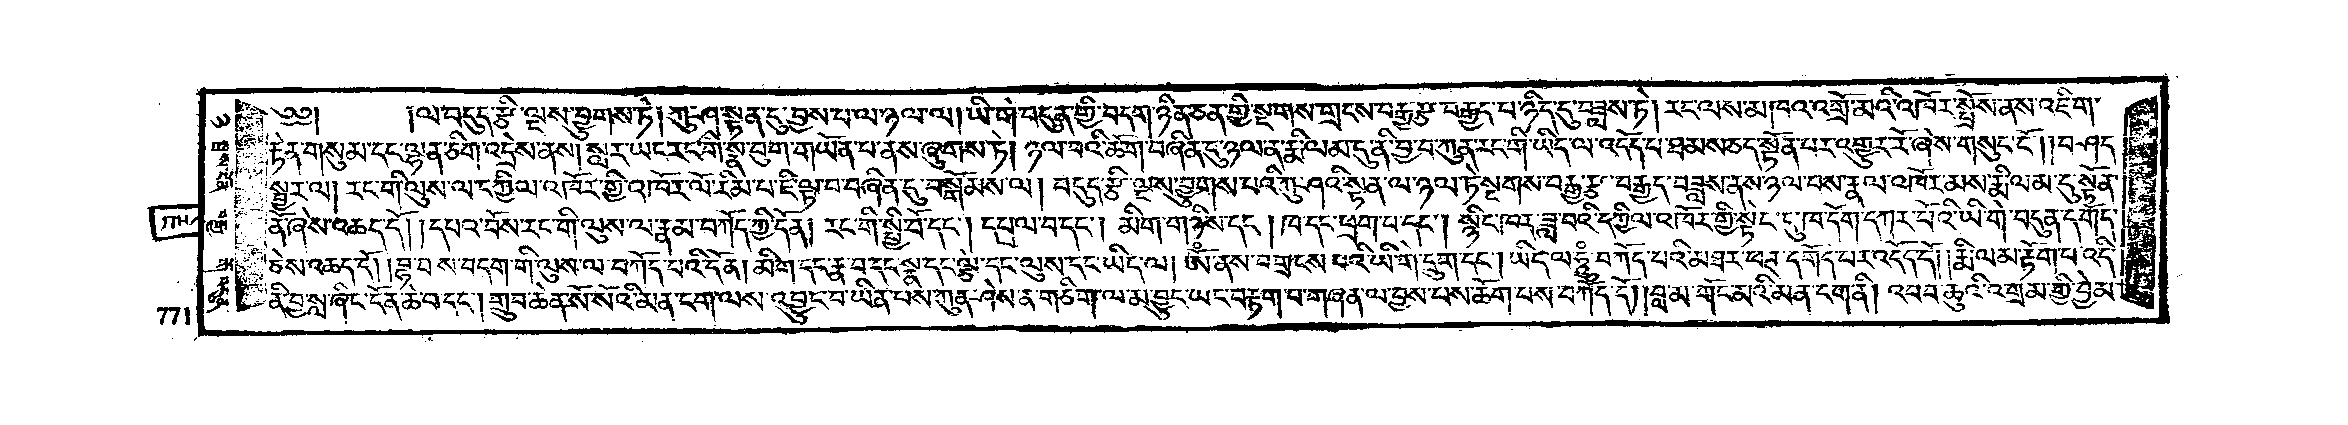༄༅། །ལ་བདུད་རྩི་ལྔས་བྱུགས་ཏེ། ཀུ་ཤ་སྟན་དུ་བྱས་པ་ལ་ཉལ་ལ། ཡི་གེ་བདུན་གྱི་བདག་ཉིན་ཅན་གྱི་སྔགས་གྲངས་བརྒྱ་རྩ་བརྒྱད་པ་ཉིད་དུ་བཟླས་ཏེ། རང་ལས་མཁའ་འགྲོ་མའི་འཁོར་སྤྲོས་ནས་འཇིག་
རྟེན་གསུམ་དང་ལྷན་ཅིག་འདྲེས་ནས། སླར་ཡང་རང་གི་སྣ་བུག་གཡོན་པ་ནས་ཞུགས་ཏེ། ཉལ་བའི་ཆོ་ག་བཞིན་དུ་ཉལ་ན་རྨི་ལམ་དུ་ནི་བྱ་བ་ཀུན་རང་གི་ཡིད་ལ་འདོད་པ་ཐམས་ཅད་སྟོན་པར་འགྱུར་རོ་ཞེས་གསུང་ངོ། །བཤད་
སྦྱར་ལ། རང་གི་ལུས་ལ་དཀྱིལ་འཁོར་གྱི་འཁོར་ལོ་རིམ་པ་ཇི་ལྟ་བ་བཞིན་དུ་བསྒོམས་ལ། བདུད་རྩི་ལྔས་བྱུགས་པའི་ཀུ་ཤའི་སྟན་ལ་ཉལ་ཏེ་སྔགས་བརྒྱ་རྩ་བརྒྱད་བཟླས་ནས་ཉལ་བས་རྣལ་འཁོར་མས་རྨི་ལམ་དུ་སྟོན་
ནོ་ཞེས་འཆད་དོ། །དཔའ་བོས་རང་གི་ལུས་ལ་རྣམ་བཀོད་ཀྱི་དོན། རང་གི་སྤྱི་བོ་དང་། དཔྲལ་བ་དང་། མིག་གཉིས་དང་། ཁ་དང་ཕྲག་པ་དང་། སྙིང་ཁར་ཟླ་བའི་དཀྱིལ་འཁོར་གྱི་སྟེང་དུ་ཁ་དོག་དཀར་པོའི་ཡི་གེ་བདུན་དགོད་
ཅེས་འཆད་དོ། །བྷ་བས་བདག་གི་ལུས་ལ་བཀོད་པའི་དོན། མིག་དང་རྣ་བ་དང་སྣ་དང་ལྕེ་དང་ལུས་དང་ཡིད་ལ། ཨོཾ་ནས་བགྲངས་པའི་ཡི་གེ་དྲུག་དང་། ཡིད་ལ་ཧཱུཾ་བཀོད་པའི་མཐར་ཕཊ་དགོད་པར་འདོད་དོ། །རྨི་ལམ་རྟོག་པ་འདི་
ནི་བྱ་སླ་ཞིང་དོན་ཆེ་བ་དང་། གྲུབ་ཆེན་སོ་སོའི་མན་ངག་ལས་འབྱུང་བ་ཡིན་པས་ཀུན་ཤེས་ན་གཅིག་ལ་མ་བྱུང་ཡང་བརྟག་པ་གཞན་ལ་བྱས་པས་ཆོག་པས་བཀོད་དོ། །བླ་མ་གོང་མའི་མན་ངག་ནི། འབབ་ཆུའི་འགྲམ་གྱི་བྱེ་མ་